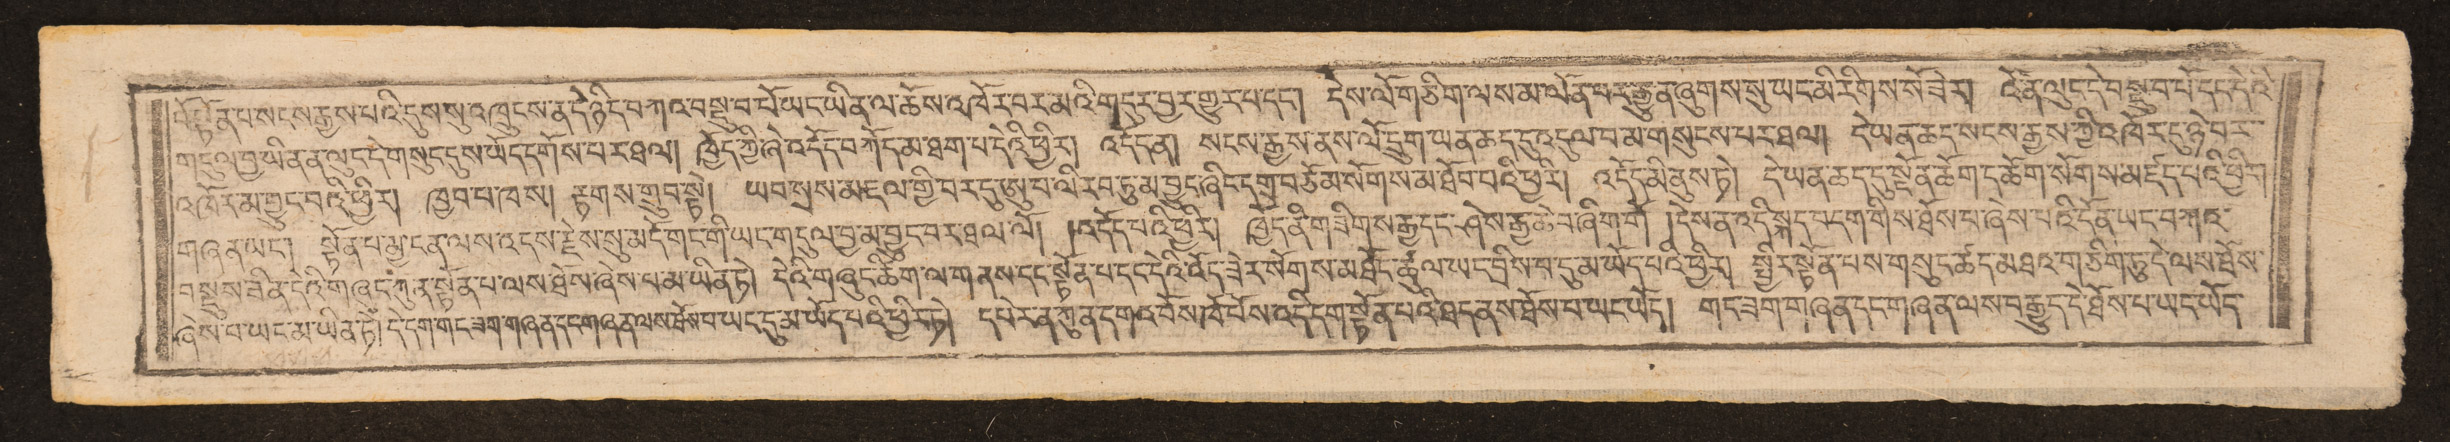པོ་སྟོན་པ་སངས་རྒྱས་པའི་དུས་སུ་འཁྲུངས་ན་དེ་ཉིད་བཀའ་བསྡུ་བ་པོ་ཡང་ཡིན་ལ་ཆོས་འཁོར་བར་མའི་གདུར་བྱར་གྱུར་པ་དང་། དེས་ལོ་གཅིག་ལས་མ་ལོན་པར་རྒྱུན་ཞུགས་སུ་ཡང་མི་རིགས་སོ་ཟེར། འོ་ན་ལུང་དེ་བསྡུ་བ་པོ་དང་དེའི་
གདུལ་བྱ་ཡིན་ན་ལུང་དེ་གསུང་དུས་ཡོད་དགོས་པར་ཐལ། ཁྱོད་ཀྱི་ཞེ་འདོད་བཀོད་མ་ཐག་པ་དེའི་ཕྱིར། འདོད་ན། སངས་རྒྱས་ནས་ལོ་དྲུག་ཡན་ཆད་དུ་འདུལ་བ་མ་གསུངས་པར་ཐལ། དེ་ཡན་ཆད་སངས་རྒྱས་ཀྱི་འཁོར་དུ་ཉེ་བར་
འཁོར་མ་བྱུང་བའི་ཕྱིར། ཁྱབ་པ་ཁས། རྟགས་གྲུབ་སྟེ། ཡབ་སྲས་མཇལ་གྱི་བར་དུ་ཨུ་པ་ལི་རབ་ཏུ་མ་བྱུང་ཞིང་དགྲ་བཅོམ་སོགས་མ་ཐོབ་པའི་ཕྱིར། འདོད་མི་ནུས་ཏེ། དེ་ཡན་ཆད་དུ་སྔོན་ཆོག་དེ་ཆོག་སོགས་མཛད་པའི་ཕྱིར།
གཞན་ཡང་། སྟོན་པ་མྱ་ངན་ལས་འདས་རྗེས་སུ་མདོ་གང་གི་ཡང་གདུལ་བྱ་མ་བྱུང་བར་ཐལ་ལོ། །འདོད་པའི་ཕྱིར། ཁྱོད་ནི་གཟིགས་རྒྱ་དང་ཤེས་རྒྱ་ཆེ་བ་ཞིག་གོ །དེས་ན་འདི་སྐད་བདག་གིས་ཐོས་པ་ཞེས་པའི་དོན་ཡང་བཀའ་
བསྡུས་ཟིན་དེའི་གཞུང་ཀུན་སྟོན་པ་ལས་ཐོས་ཞེས་པ་མ་ཡིན་ཏེ། དེའི་གཞུང་ཚིག་ལ་གནས་དང་སྟོན་པ་དང་དེའི་འོད་ཟེར་སོགས་མཐོང་ཚུལ་ཡང་བྲིས་པ་དུ་མ་ཡོད་པའི་ཕྱིར། སྤྱིར་སྟོན་པས་གསུང་ཚད་མཐའ་གཅིག་ཏུ་དེ་ལས་ཐོས་
ཞེས་པ་ཡང་མ་ཡིན་ཏེ། དེ་དག་གང་ཟག་གཞན་རང་གཞན་ལས་ཐོས་པ་ཡང་དུ་མ་ཡོད་པའི་ཕྱིར་ཏེ། དཔེར་ན་ཀུན་དགའ་བོས་ཁོ་བོས་འདི་དག་སྟོན་པའི་ཐད་ནས་ཐོས་པ་ཡང་ཡོད། གང་ཟག་གཞན་དང་གཞན་ལས་བརྒྱུད་དེ་ཐོས་པ་ཡང་ཡོད་